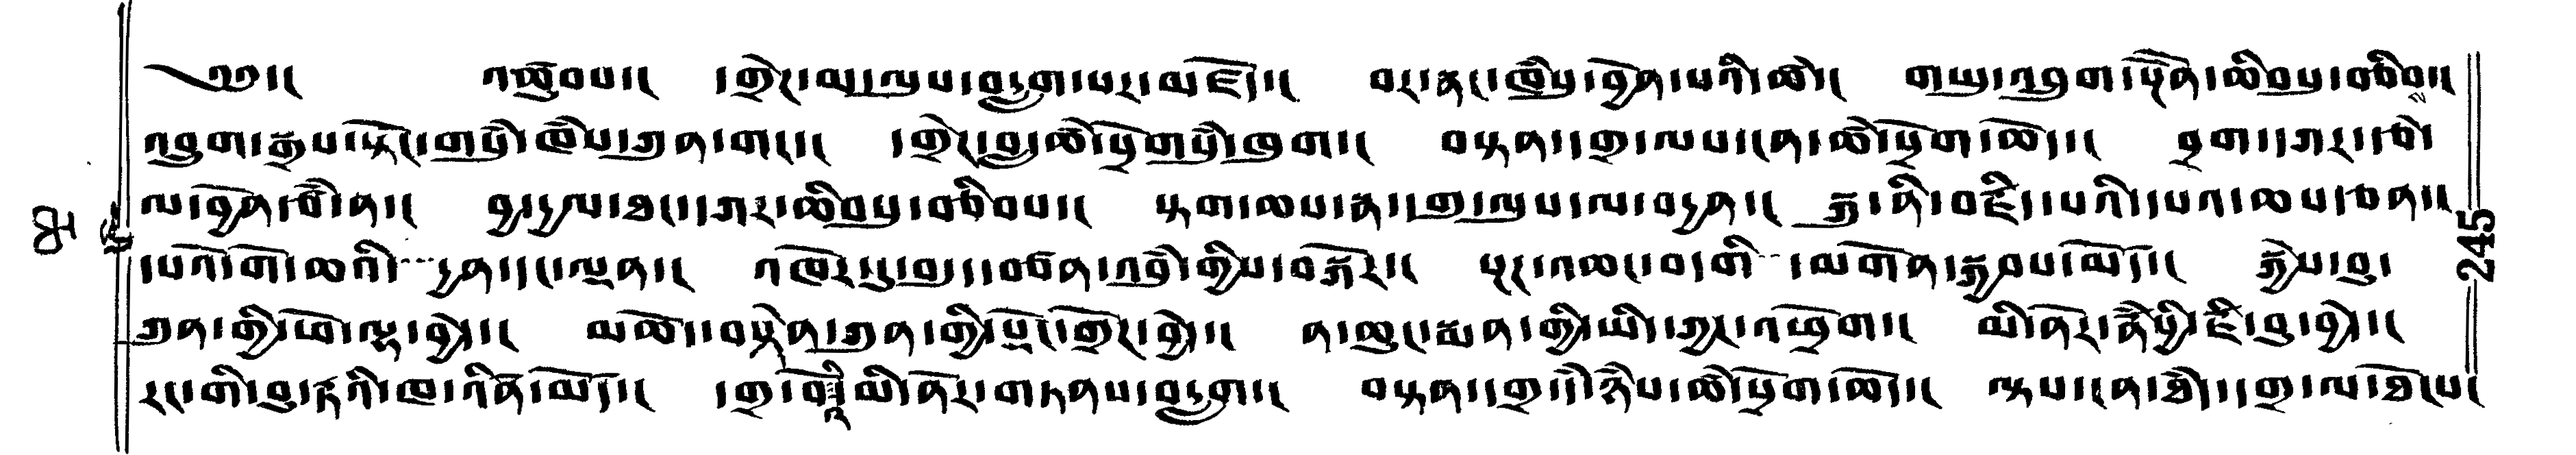འཚུབས། །དགྲ་བགེགས་མ་ལུས་བརླག་པར་མཛོད། །བར་སྣང་ཁམས་སུ་བྱོན་པའི་ཚེ། །གཡུ་འབྲུག་སྔོན་མོ་ཆིབས་སུ་བཅིབས། །
འབྲུག་སྒྲས་སྟོང་གསུམ་ཁམས་ཀུན་གང་། །དགྲ་བགེགས་བླ་ཚེ་སྲོག་གསུམ་ཁུག བསྟན་དགྲ་ལས་ངན་ཚེ་སྲོག་ཆོད། །བྲག་དཀར་རྩེ་
ལ་བྱོན་ཙམ་ན། །བྱ་རྒྱལ་ཐང་དཀར་ཆིབས་སུ་བཅིབས། །སྟག་ཆས་སྣ་དགུ་ལུས་ལ་བརྒྱན། །སྐུ་ནི་བརྗིད་པའི་དཔའ་ཆས་ཅན། །
དཔའ་བོ་གོ་ཆའི་རྒྱན་དང་ལྡན། །འཁོར་དུ་བདུད་བཙན་འབུམ་གྱིས་བསྐོར། །སྔགས་འཆང་བདག་གི་མགོན་སྐྱབས་མཛོད། །སྐྱེས་བུ་
ཀུན་གྱི་ཕོ་ལྷ་བྱེད། །མཆོད་བསྟེན་ཀུན་གྱི་སྡོང་གྲོགས་བྱེད། །ན་ཆུང་སྨན་གྱི་ཡིད་ཀྱང་འཕྲོག །མི་ནོར་རྣམས་ཀྱི་རྫི་བུ་བྱེད། །
རང་གི་བུ་རྟའི་ཁ་འཛིན་མཛོད། །དགྲ་བོའི་མི་ནོར་གཏན་ནས་བརླག །བསྟན་དགྲ་དམ་ཉམས་ཚེ་སྲོག་ཆོད། །ལྟས་ངན་ཐམས་ཅད་དགྲ་ལ་ཐོངས།